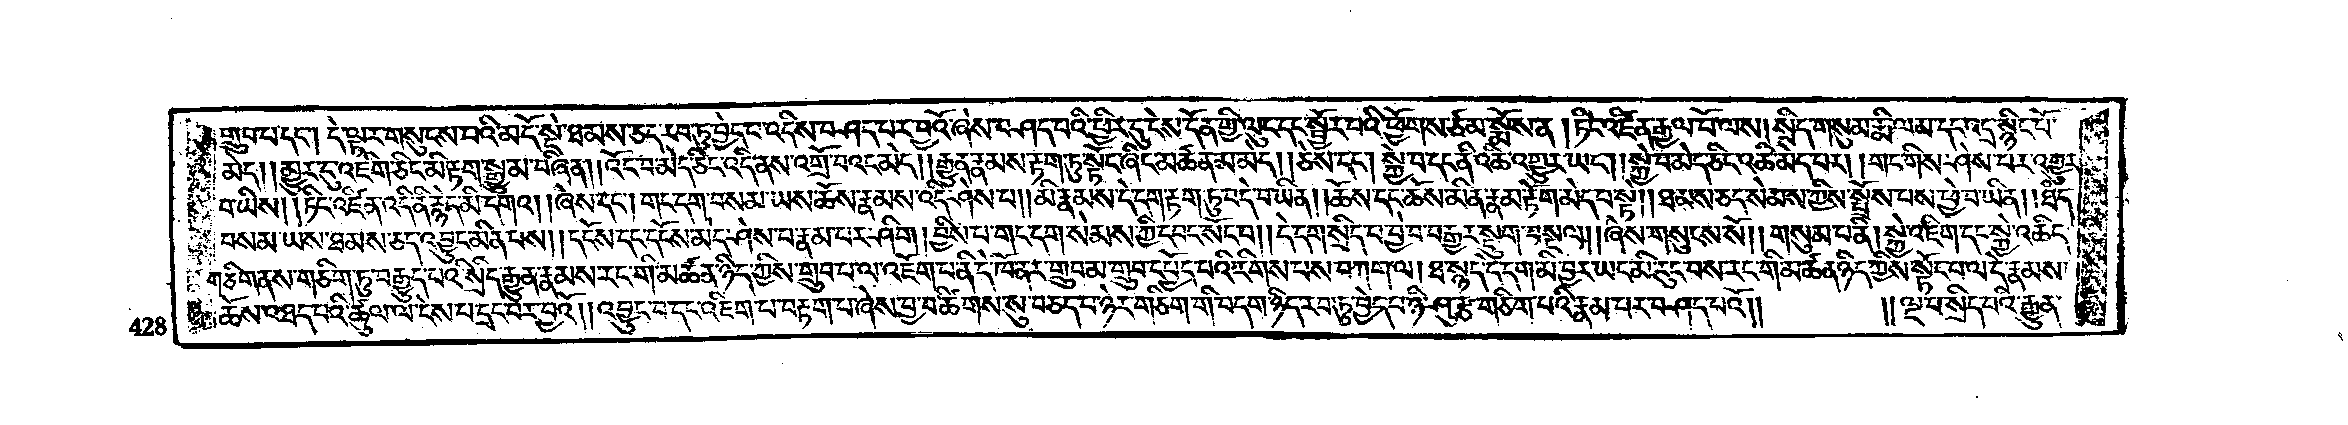གྲུབ་པ་དང་། དེ་ལྟར་གསུངས་པའི་མདོ་སྡེ་ཐམས་ཅད་རབ་ཏུ་བྱེད་པ་འདིས་བཤད་པར་བྱའོ་ཞེས་བཤད་པའི་ཕྱིར་དུ་ངེས་དོན་གྱི་ལུང་དང་སྦྱོར་བའི་ཕྱོགས་ཙམ་སྨོས་ན། ཏིང་འཛིན་རྒྱལ་པོ་ལས། སྲིད་གསུམ་རྨི་ལམ་དང་འདྲ་སྙིང་པོ་
མེད། །མྱུར་དུ་འཇིག་ཅིང་མི་རྟག་སྒྱུ་མ་བཞིན། །འོང་བ་མེད་ཅིང་འདི་ནས་འགྲོ་བའང་མེད། །རྒྱུན་རྣམས་རྟག་ཏུ་སྟོང་ཞིང་མཚན་མ་མེད། །ཅེས་དང་། སྐྱེ་བ་དང་ནི་འཆི་འགྱུར་ཡང་། །སྐྱེ་བ་མེད་ཅིང་འཆི་མེད་པར། །གང་གིས་ཤེས་པར་འགྱུར་
པ་ཡིས། །ཏིང་འཛིན་འདི་ནི་རྙེད་མི་དགའ། །ཞེས་དང་། གང་དག་བསམ་ཡས་ཆོས་རྣམས་འདི་ཤེས་པ། །མི་རྣམས་དེ་དག་རྟག་ཏུ་བདེ་བ་ཡིན། །ཆོས་དང་ཆོས་མིན་རྣམ་རྟོག་མེད་པ་སྟེ། །ཐམས་ཅད་སེམས་ཀྱིས་སྤྲོས་པས་ཕྱེ་བ་ཡིན། །ཐཾད་
བསམ་ཡས་ཐམས་ཅད་འབྱུང་མིན་པས། །དངོས་དང་དངོས་མེད་ཤེས་པ་རྣམ་པར་ཤིག། བྱིས་པ་གང་དག་སེམས་ཀྱི་དབང་སོང་བ། །དེ་དག་སྲིད་པ་བྱེ་བ་བརྒྱར་སྡུག་བསྔལ། །ཞེས་གསུངས་སོ། །གསུམ་པ་ནི། སྐྱེ་འཇིག་དང་སྐྱེ་འཆིད་
གཅིག་ནས་གཅིག་ཏུ་བརྒྱུད་པའི་སྲིད་རྒྱུན་རྣམས་རང་གི་མཚན་ཉིད་ཀྱིས་གྲུབ་པ་ལ་འཇོག་པ་ནི་དེ་ཁོ་ནར་གྲུབ་མ་གྲུབ་དཔྱོད་པའི་རིགས་པས་བཀག་ལ། ཐ་སྙད་དེ་དག་མི་བྱར་ཡང་མི་རུང་བས་རང་གི་མཚན་ཉིད་ཀྱིས་སྟོང་པ་ལ་དེ་རྣམས་
ཆོས་འཐད་པའི་ཚུལ་ལ་ངེས་པ་དྲང་བར་བྱའོ། །འབྱུང་བ་དང་འཇིག་པ་བརྟག་པ་ཞེས་བྱ་བ་ཚིགས་སུ་བཅད་པ་ཉེར་གཅིག་གི་བདག་ཉིད་རབ་ཏུ་བྱེད་པ་ཉི་ཤུ་རྩ་གཅིག་པའི་རྣམ་པར་བཤད་པའོ།། །།ལྔ་པ་སྲིད་པའི་རྒྱུན་